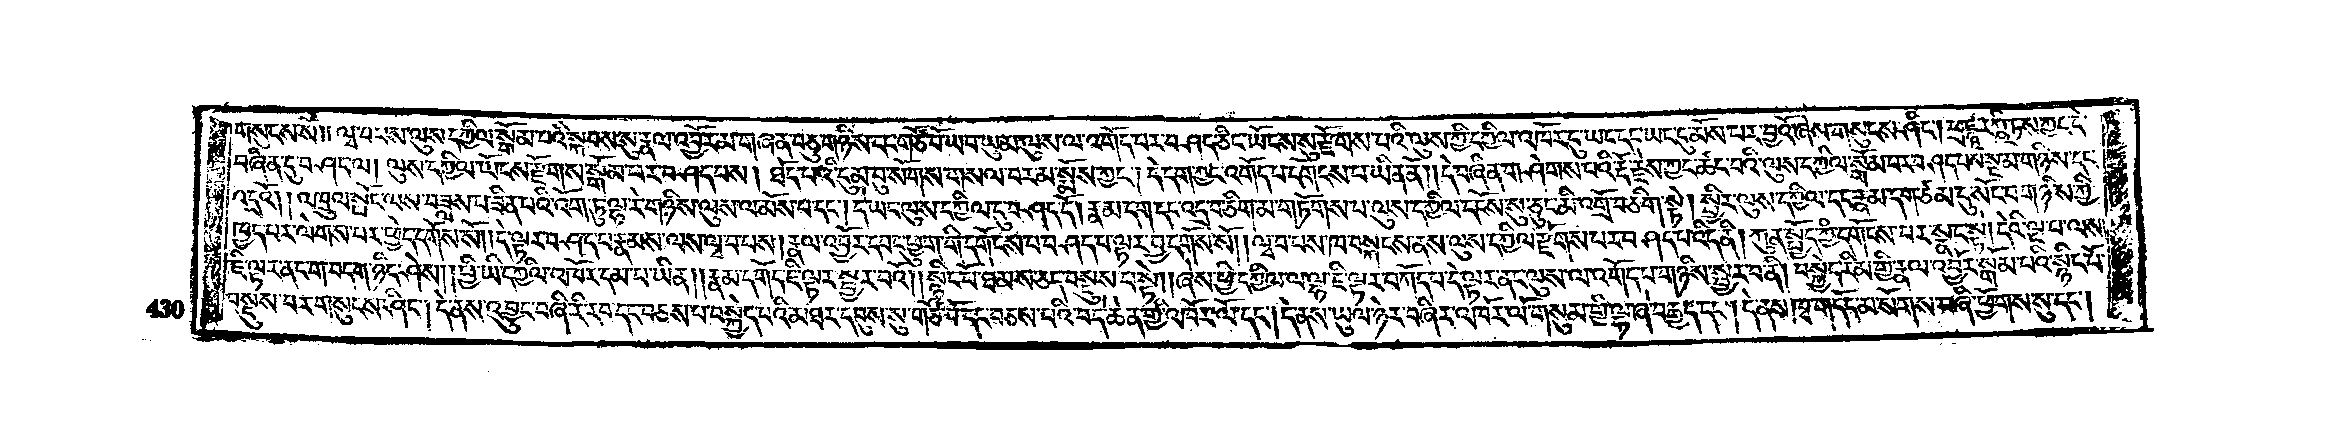གསུངས་སོ། །ལྭ་བ་པས་ལུས་དཀྱིལ་སྒོམ་པའི་སྐབས་སུ་རྣལ་འབྱོར་མ་གཞན་བཅུ་གཉིས་དང་གཙོ་བོ་ཡབ་ཡུམ་ལུས་ལ་འགོད་པར་བཤད་ཅིང་ཡོངས་སུ་རྫོགས་པའི་ལུས་ཀྱི་དཀྱིལ་འཁོར་དུ་ཡང་དང་ཡང་དུ་མོས་པར་བྱའོ་ཞེས་གསུངས་ཤིང་། པྲཛྙཱ་རཀྵི་ཏས་ཀྱང་དེ་
བཞིན་དུ་བཤད་ལ། ལུས་དཀྱིལ་ཡོངས་རྫོགས་སྒོམ་པར་བཤད་པས། ཐོད་པའི་དུམ་བུ་སོགས་གསལ་བར་མ་སྨོས་ཀྱང་། དེ་དག་ཀྱང་འགོད་པ་དགོངས་པ་ཡིན་ནོ། །དེ་བཞིན་གཤེགས་པའི་རྡོ་རྗེས་ཀྱང་ཚང་བའི་ལུས་དཀྱིལ་སྒོམ་པར་བཤད་པས་སྔ་མ་གཉིས་དང་
འདྲའོ། །འཁྲུལ་སྤོང་ལས་བཟླས་པ་ཟིན་པའི་འོག་ཏུ་ལྷ་རེ་གཉིས་ལུས་ལ་མོས་པ་དང་། དེ་ཡང་ལུས་དཀྱིལ་དུ་བཤད་དེ། རྣམ་དག་དང་འདྲ་བ་ཅིག་མ་གཏོགས་པ་ལུས་དཀྱིལ་དངོས་སུ་ཅུང་མི་འགྲོ་བ་ཅིག་སྟེ། སྤྱིར་ལུས་དཀྱིལ་དང་རྣམ་དག་ཙམ་དུ་སོང་བ་གཉིས་ཀྱི་
ཁྱད་པར་ལེགས་པར་ཕྱེད་དགོས་སོ། །དེ་ལྟར་བཤད་པ་རྣམས་ལས་ལྭ་བ་པས། རྣལ་འབྱོར་དབང་ཕྱུག་གི་དགོངས་པ་བཤད་པ་ལྟར་བྱ་དགོས་སོ། །ལྭ་བ་པས་ཁ་བསྐངས་ནས་ལུས་དཀྱིལ་རྫོགས་པར་བཤད་པ་འདི་ནི། ཀུན་སྤྱོད་ཀྱི་དགོངས་པར་སྣང་སྟེ། དེའི་ལྔ་པ་ལས་
ཇི་ལྟར་ནང་གི་བདག་ཉིད་ཤེས། །ཕྱི་ཡི་དཀྱིལ་འཁོར་དམ་པ་ཡིན། །རྣམ་དགོད་ཇི་ལྟར་སྦྱར་བའོ། །སྙིང་པོ་ཐམས་ཅད་བསྡུས་པ་སྟེ། །ཞེས་ཕྱི་དཀྱིལ་ལ་ལྷ་ཇི་ལྟར་བཀོད་པ་དེ་ལྟར་ནང་ལུས་ལ་འགོད་པ་གཉིས་སྦྱར་བ་ནི། བསྐྱེད་རིམ་གྱི་རྣལ་འབྱོར་སྒོམ་པའི་སྙིང་པོ་
བསྡུས་པར་གསུངས་ཤིང་། དེ་ནས་འབྱུང་བཞི་རི་རབ་དང་བཅས་པ་བསྐྱེད་པའི་མཐར་དབུས་སུ་གཙོ་བོ་དང་བཅས་པའི་བདེ་ཆེན་གྱི་འཁོར་ལོ་དང་། དེ་ནས་ཡུལ་ཉེར་བཞིར་འཁོར་ལོ་གསུམ་གྱི་ལྷ་ཞེ་བརྒྱད་དང་། དེ་ནས་ཁྭ་གདོང་མ་སོགས་བཞི་ཕྱོགས་སུ་དང་།